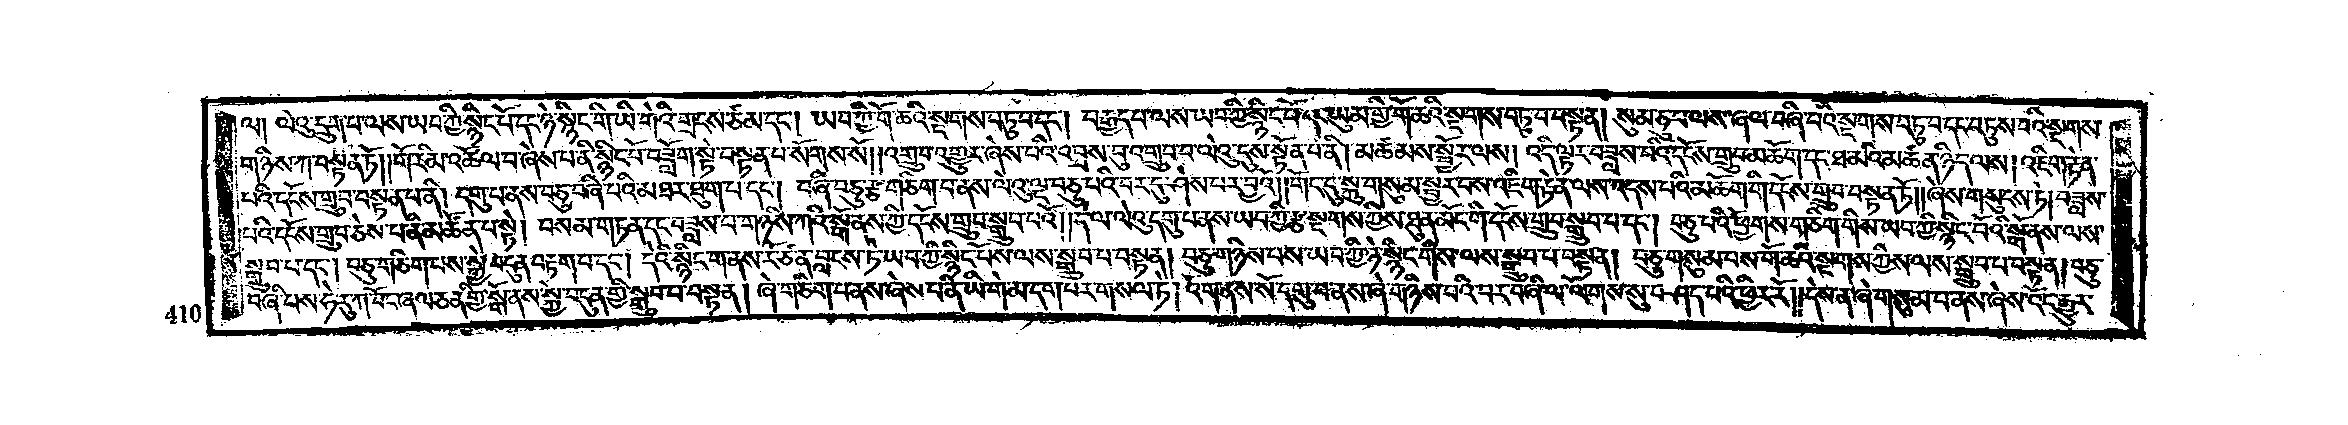ལ། ལེའུ་དྲུག་པ་ལས་ཡབ་ཀྱི་སྙིང་པོ་དང་ཉེ་སྙིང་གི་ཡི་གེའི་གྲངས་ཙམ་དང་། ཡབ་ཀྱི་གོ་ཆའི་སྔགས་བཏུ་བ་དང་། བརྒྱད་པ་ལས་ཡབ་ཀྱི་སྙིང་པོ་དང་ཡུམ་གྱི་གོ་ཆའི་སྔགས་བཏུ་བ་བསྟན། སུམ་ཅུ་པ་ལས་ཞལ་བཞི་པའི་སྔགས་བཏུ་བ་དང་བཏུས་པའི་སྔགས་
གཉིས་ཀ་བསྟན་ཏོ། །གོ་རིམ་འཚོལ་བ་ཞེས་པ་ནི་སྙིང་པོ་བཟློག་སྟེ་བསྟན་པ་སོགས་སོ། །འགྲུབ་འགྱུར་ཞེས་པའི་འབྲས་བུ་འགྲུབ་པ་ལེའུ་དུས་སྟོན་པ་ནི། མཚམས་སྦྱོར་ལས། འདི་ལྟར་བཟླས་པའི་དངོས་གྲུབ་མཆོག་དང་ཐ་མའི་མཚན་ཉིད་ལས། འཇིག་རྟེན་
པའི་དངོས་གྲུབ་བསྟན་པ་ནི། དགུ་པ་ནས་བཅུ་བཞི་པའི་མཐར་ཐུག་པ་དང་། བཞི་བཅུ་རྩ་གཅིག་པ་ནས་ལེའུ་ལྔ་བཅུ་པའི་བར་དུ་ཤེས་པར་བྱའོ། །གོང་དུ་སྐུ་གསུམ་སྦྱར་བས་འཇིག་རྟེན་ལས་འདས་པའི་མཆོག་གི་དངོས་གྲུབ་བསྟན་ཏོ། །ཞེས་གསུངས་ཏེ། བཟླས་
པའི་དངོས་གྲུབ་ཅེས་པ་ནི་མཚོན་པ་སྟེ། བསམ་གཏན་དང་བཟླས་པ་གཉིས་ཀའི་སྒོ་ནས་ཀྱི་དངོས་གྲུབ་སྒྲུབ་པའོ། །དེ་ལ་ལེའུ་དགུ་པ་ནས་ཡབ་ཀྱི་རྩ་སྔགས་ཀྱིས་ཐུན་མོང་གི་དངོས་གྲུབ་པ་དང་། བཅུ་པའི་ཕྱོགས་གཅིག་གིས་ཡབ་ཀྱི་སྙིང་པོའི་སྒོ་ནས་ལས་
སྒྲུབ་པ་དང་། བཅུ་གཅིག་པས་སྐྱེ་བདུན་བརྟག་པ་དང་། དེའི་སྙིང་ག་ནས་རོ་ཙ་ན་བླངས་ཏེ་ཡབ་ཀྱི་སྙིང་པོས་ལས་སྒྲུབ་པ་བསྟན། བཅུ་གཉིས་པས་ཡབ་ཀྱི་ཉེ་སྙིང་གིས་ལས་སྒྲུབ་པ་བསྟན། བཅུ་གསུམ་པས་གོ་ཆའི་སྔགས་ཀྱིས་ལས་སྒྲུབ་པ་བསྟན། བཅུ་
བཞི་པས་ཧེ་རུ་ཀ་བོང་ཞལ་ཅན་གྱི་སྒོ་ནས་སྐྱེ་བདུན་གྱི་སྒྲུབ་པ་བསྟན། ཞེ་གཅིག་ཕ་ནས་ཞེས་པ་ནི་ཡི་གེ་མ་དག་པར་གསལ་ཏེ། འོག་ནས་སོ་དགུ་པ་ནས་ཞེ་གཉིས་པའི་བར་བཞི་ལ་ལོགས་སུ་བཤད་པའི་ཕྱིར་རོ། །དེས་ན་ཞེ་གསུམ་པ་ནས་ཞེས་འོང་རྒྱུར་